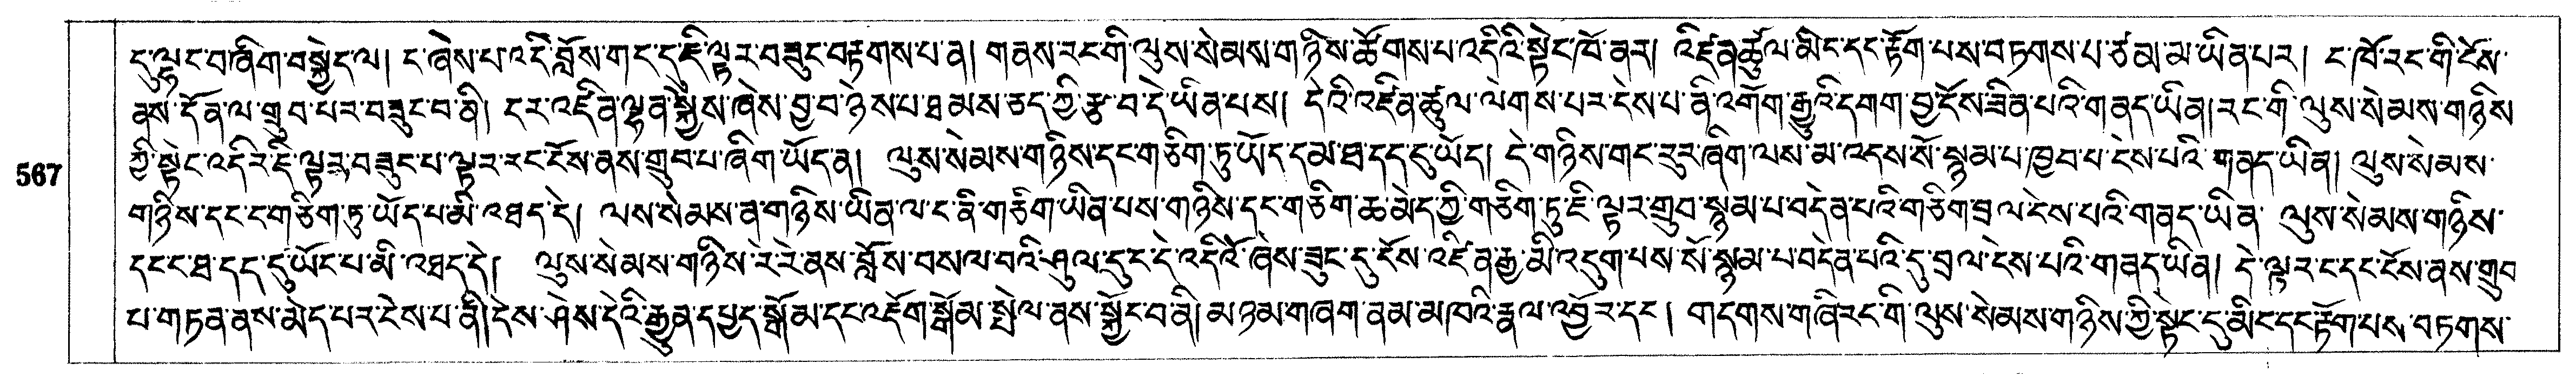དུ་ལྷང་བ་ཞིག་བསྐྱེད་ལ། ང་ཞེས་པ་འདི་བློས་གང་དུ་ཇི་ལྟར་བཟུང་བརྟགས་པ་ན། གནས་རང་གི་ལུས་སེམས་གཉིས་ཚོགས་པ་འདིའི་སྟེང་ཁོ་ནར། འཛིན་ཚུལ་མིང་དང་རྟོག་པས་བཏགས་པ་ཙམ་མ་ཡིན་པར། ང་ཁོ་རང་གི་ངོས་
ནས་དོན་ལ་གྲུབ་པར་བཟུང་བ་ནི། ངར་འཛིན་ལྷན་སྐྱེས་ཞེས་བྱ་བ་ཉེས་པ་ཐམས་ཅད་ཀྱི་རྩ་བ་དེ་ཡིན་པས། དེའི་འཛིན་ཚུལ་ལེགས་པར་ངེས་པ་ནི་འགོག་རྒྱུའི་དགག་བྱ་ངོས་ཟིན་པའི་གནད་ཡིན། རང་གི་ལུས་སེམས་གཉིས་
ཀྱི་སྟེང་འདིར་ཇི་ལྟར་བཟུང་པ་ལྟར་རང་ངོས་ནས་གྲུབ་པ་ཞིག་ཡོད་ན། ལུས་སེམས་གཉིས་དང་གཅིག་ཏུ་ཡོད་དམ་ཐ་དད་དུ་ཡོད། དེ་གཉིས་གང་རུར་ཞིག་ལས་མ་འདས་སོ་སྙམ་པ་ཁྱབ་པ་ངེས་པའི་གནད་ཡིན། ལུས་སེམས་
གཉིས་དང་ང་གཅིག་ཏུ་ཡོད་པ་མི་འཐད་དེ། ལས་སེམས་ན་གཉིས་ཡིན་ལ་ང་ནི་གཅིག་ཡིན་པས་གཉིས་དང་གཅིག་ཆ་མེད་ཀྱི་གཅིག་ཏུ་ཇི་ལྟར་གྲུབ་སྙམ་པ་བདེན་པའི་གཅིག་བྲལ་ངེས་པའི་གནད་ཡིན། ལུས་སེམས་གཉིས་
དང་ང་ཐ་དད་དུ་ཡོད་པ་མི་འཐད་དེ། ལུས་སེམས་གཉིས་རེ་རེ་ནས་བློས་བསལ་བའི་ཤུལ་དུ་ང་དེ་འདིའོ་ཞེས་ཟུང་དུ་ངོས་འཛིན་རྒྱ་མི་འདུག་པས་སོ་སྙམ་པ་བདེན་པའི་དུ་བྲལ་ངེས་པའི་གནད་ཡིན་ལུས་སེམས་གཉིས་
དང་ང་ཐ་དད་དུ་ཡོད་པ་མི་འཐད་དེ། ལུས་སེམས་གཉིས་རེ་རེ་ནས་བློས་བསལ་བའི་ཤུལ་དུ་ང་དེ་འདིའོ་ཞེས་ཟུང་དུ་ངོས་འཛིན་རྒྱ་མི་འདུག་པས་སོ་སྙམ་པ་བདེན་པའི་དུ་བྲལ་ངེས་པའི་གནད་ཡིན། དེ་ལྟར་ང་དང་ངོས་ནས་གྲུབ་
པ་གཏན་ནས་མེད་པར་ངེས་པ་ནི། དེས་ཤེས་དེའི་རྒྱུན་དཔྱད་སྒོམ་དང་འཇོག་སྒོམ་སྤེལ་ནས་སྐྱོང་བ་ནི། མཉམ་གཞག་ནམ་མཁའི་རྣལ་འབྱོར་དང་། གདགས་གཞི་རང་གི་ལུས་སེམས་གཉིས་ཀྱི་སྟེང་དུ་མིང་དང་རྟོག་པས་བཏགས་